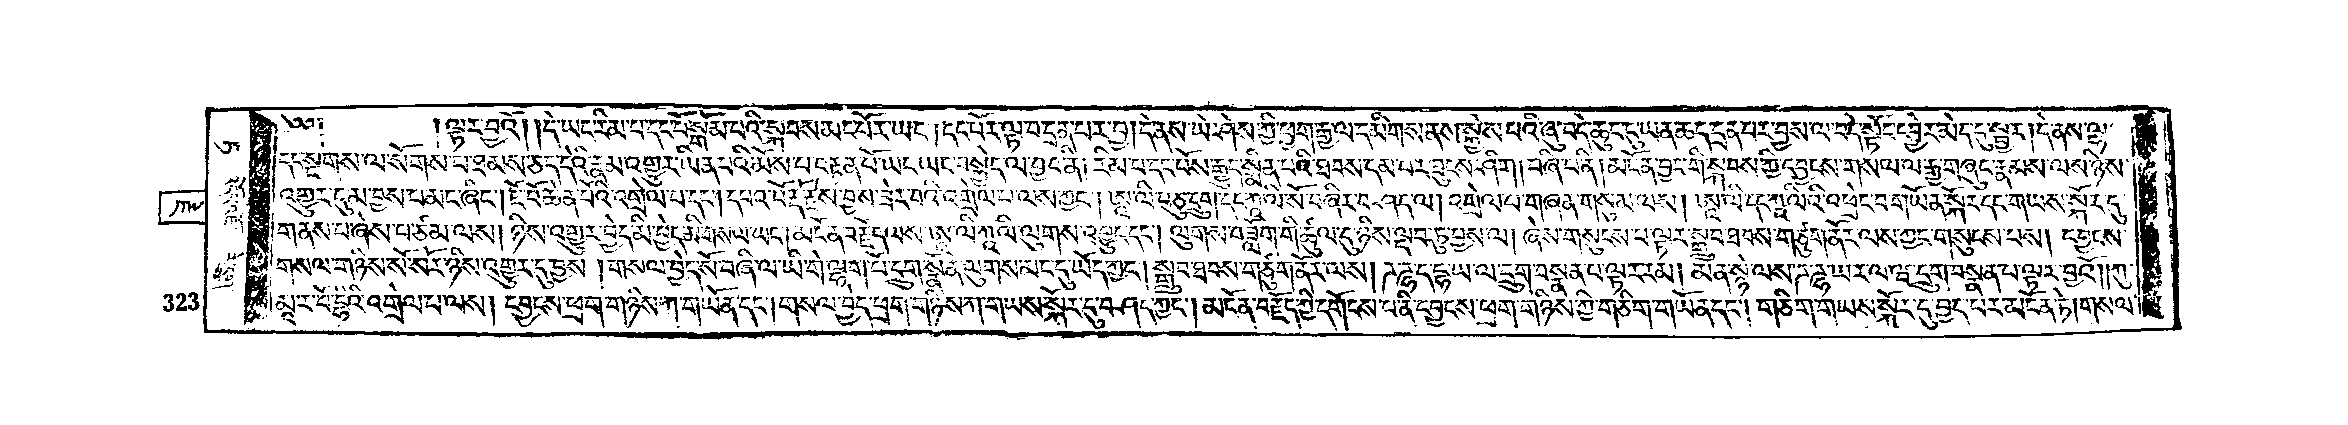༄༅། །ལྟར་བྱའོ། །དེ་ཡང་རིམ་པ་དང་པོ་སྒོམ་པའི་སྐབས་མང་པོར་ཡང་། དང་པོར་ལྟ་བ་དྲན་པར་བྱ། དེ་ནས་ཡེ་ཤེས་ཀྱི་ཕྱག་རྒྱ་ལ་དམིགས་ནས་སྐྱེས་པའི་ཞུ་བདེ་ཆུང་ངུ་ཡན་ཆད་དྲན་པར་བྱས་ལ་བདེ་སྟོང་དབྱེར་མེད་དུ་སྦྱར། དེ་ནས་ལྷ་
དང་སྔགས་ལ་སོགས་པ་ཐམས་ཅད་དེའི་རྣམ་འགྱུར་ཡིན་པའི་མོས་པ་བརྟན་པོ་ཡང་ཡང་བསྐྱེད་ལ་བྱ་བ་ནི། རིམ་པ་དང་པོས་རྒྱུད་སྨིན་པའི་ཐབས་དམ་པར་ཟུངས་ཤིག །བཞི་པ་ནི། མངོན་བྱང་གི་སྐབས་ཀྱི་དབྱངས་གསལ་ལ་རྒྱ་གཞུང་རྣམས་ལས་ཉིས་
འགྱུར་དུ་མ་བྱས་པ་མང་ཞིང་། ཇོ་བོ་ཆེན་པོའི་འགྲེལ་པ་དང་། དཔའ་བོ་རྡོ་རྗེས་བྱས་ཟེར་བའི་འགྲེལ་པ་ལས་ཀྱང་། ཨཱ་ལི་བཅུ་དྲུག་དང་ཀཱ་ལི་སོ་བཞིར་བཤད་ལ། འགྲེལ་པ་གཞན་གསུམ་ལས། ཨཱ་ལི་དང་ཀཱ་ལིའི་འཕྲེང་བ་གཡོན་སྐོར་དང་གཡས་སྐོར་དུ་
གནས་པ་ཞེས་པ་ཙམ་ལས། ཉིས་འགྱུར་བྱེད་མི་བྱེད་མི་གསལ་ཡང་། མངོན་བརྗོད་ལས་ཨཱ་ལི་ཀཱ་ལི་ལུགས་འབྱུང་དང་། ལུགས་བཟློག་གི་ཚུལ་དུ་ཉིས་ལྡབ་ཏུ་བྱས་ལ། ཞེས་གསུངས་པ་ལྟར་སྒྲུབ་ཐབས་གཙུག་ནོར་ལས་ཀྱང་གསུངས་པས། དབྱངས་
གསལ་གཉིས་སོ་སོར་ཉིས་འགྱུར་དུ་བྱས། གསལ་བྱེད་སོ་བཞི་ལ་ཡི་གེ་ལྷག་པོ་དྲུག་སྣོན་ལུགས་མང་དུ་ཡོད་ཀྱང་། སྒྲུབ་ཐབས་གཙུག་ནོར་ལས། ཌ་ཌྷ་ད་དྷ་ཡ་ལ་དྲུག་བསྣན་པ་ལྟར་རམ། མན་སྙེ་ལས་ཌ་ཌྷ་ཡ་ར་ལ་ཝ་དྲུག་བསྣན་པ་ལྟར་བྱའོ། །ཀུ་
མཱ་ར་བེ་དྷིའི་འགྲེལ་པ་ལས། དབྱངས་ཕྲག་གཉིས་ཀ་གཡོན་དང་། གསལ་བྱེད་ཕྲག་གཉིས་ཀ་གཡས་སྐོར་དུ་བཤད་ཀྱང་། མངོན་བརྗོད་ཀྱི་དགོངས་པ་ནི་དབྱངས་ཕྲག་གཉིས་ཀྱི་གཅིག་གཡོན་དང་། གཅིག་གཡས་སྐོར་དུ་བྱེད་པར་མངོན་ཏེ། གསལ་